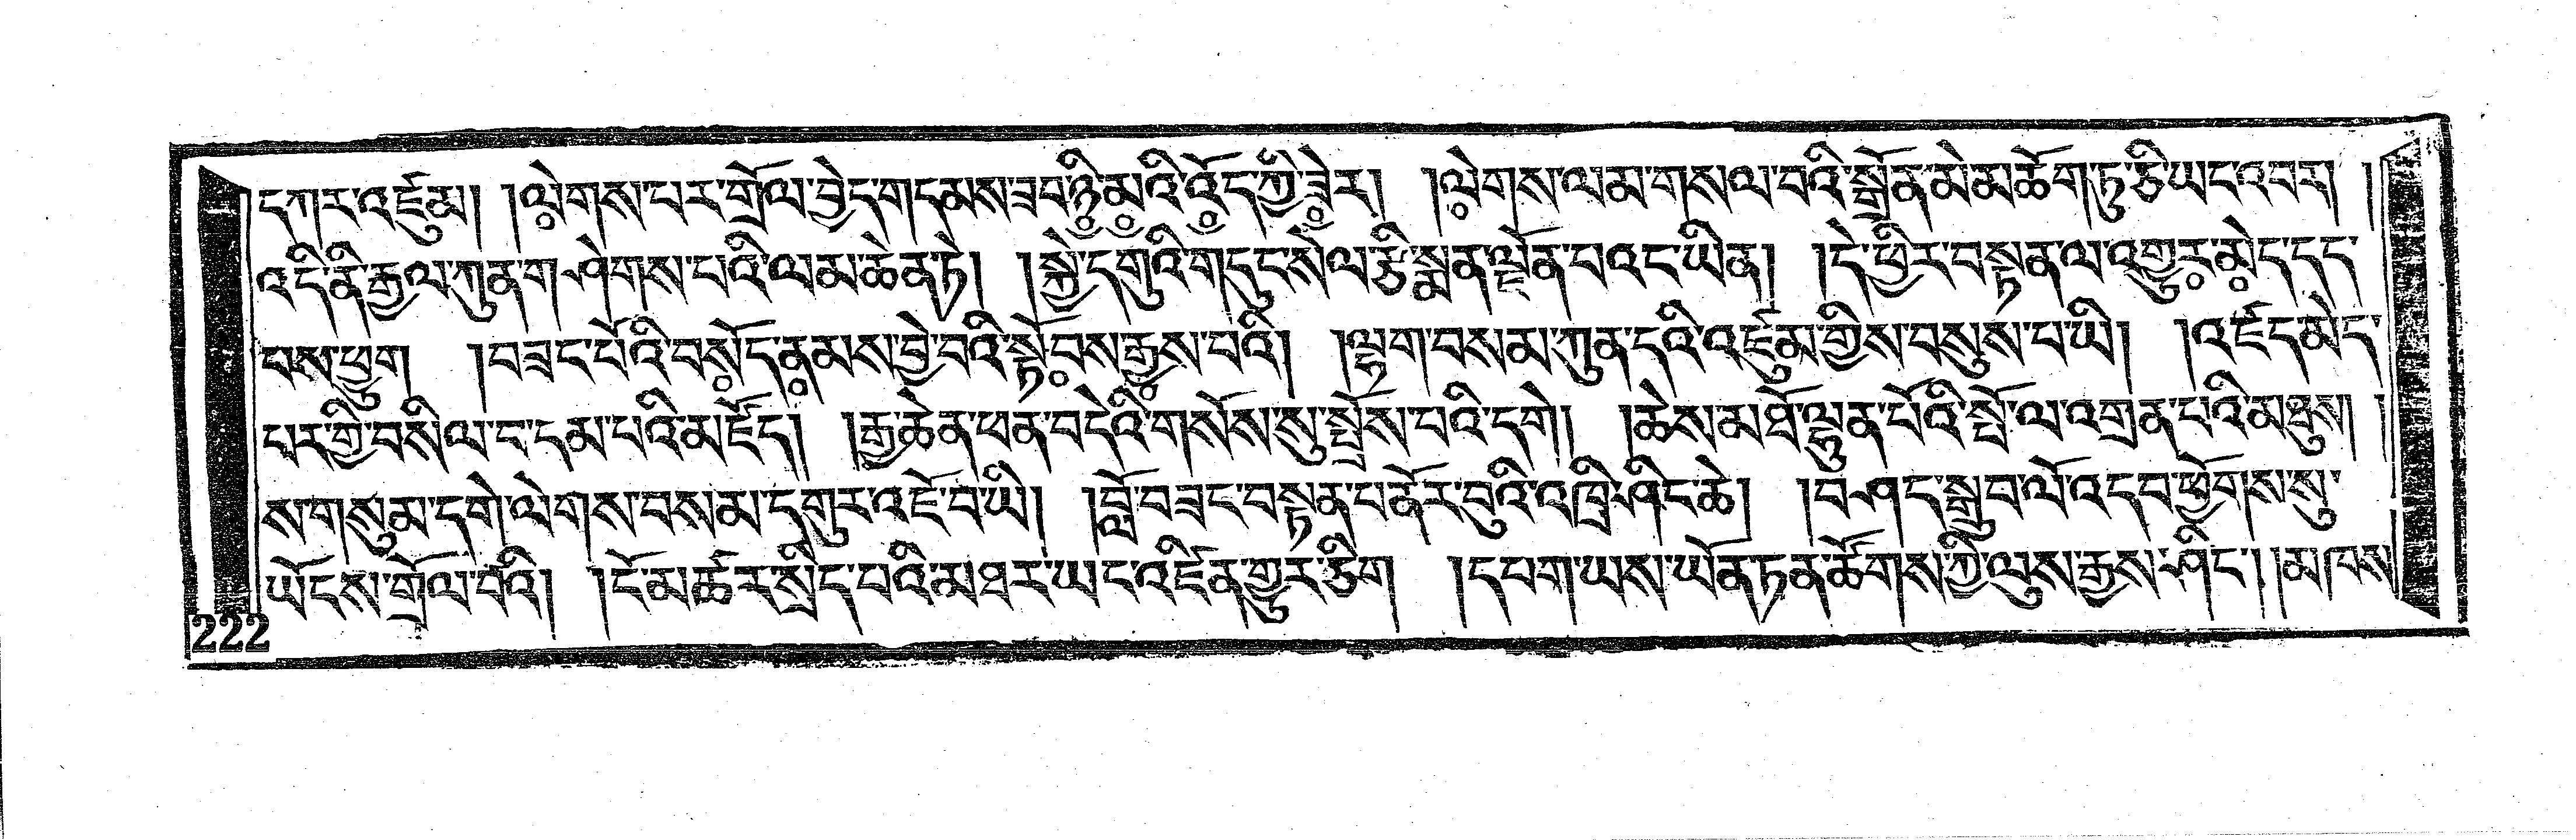དཀར་འཛུམ། །ལེགས྾་པར་གྲོལ་བྱེད་གདམས་ཟབ་ཉི྾་མའི྾་འོད྾་ཀྱི་ཟེར྾། །ལེགས྾་ལམ་གསལ་བའི་སྒྲོན་མེ་མཆོག་ཏུ་ཅི་ཡང་འབར། །
འདི་ནི་རྒྱལ་ཀུན་གཤེགས་པའི་ལམ་ཆེན་ཏེ། །སྐྱེ་དགུའི་གདུང་སེལ་རྩི་སྨན་ལྗོན་པའང་ཡིན། །དེ་ཕྱིར་བསྟན་ལ་འགྱུར྾་མེད྾་དད་
པས་ཕྱུག །བཟང་པོའི་བསོད྾་ནམས྾་བྱེ་བའི་སྟོབས྾་རྒྱས྾་པའི། །ལྷག་བསམ་ཀུན་དའི་འཛུམ་གྱིས་བསུས་པ་ཡི། །འཛད་མེད་
པར་གྱི་བསིལ་བ་དམ་པའི་མཛོད། །རྒྱ་ཆེན་ཕན་བདེའི་གསོས་སུ་སྤྲོས་པའི་དགེ། །ཆེས་མཐོ་ལྷུན་པོའི་སྤོ་ལ་འགྲན་པའི་མཐུས། །
ས་གསུམ་དགེ་ལེགས་བསམ་དགུར་འཇོ་བ་ཡི། །བློ་བཟང་བསྟན་པ་ནོར་བུའི་འཁྲི་ཤིང་ཆེ། །བཤད་སྒྲུབ་ལོ་འདབ་ཕྱོགས་སུ་
ཡོངས་གྲོལ་བའི། །ངོ་མཚར་སྲིད་པའི་མཐར་ཡང་འཛིན་གྱུར་ཅིག །དཔག་ཡས་ཡོན་ཏན་ཚོགས་ཀྱི་ལུས་རྒྱས་ཤིང་། །མཁས་